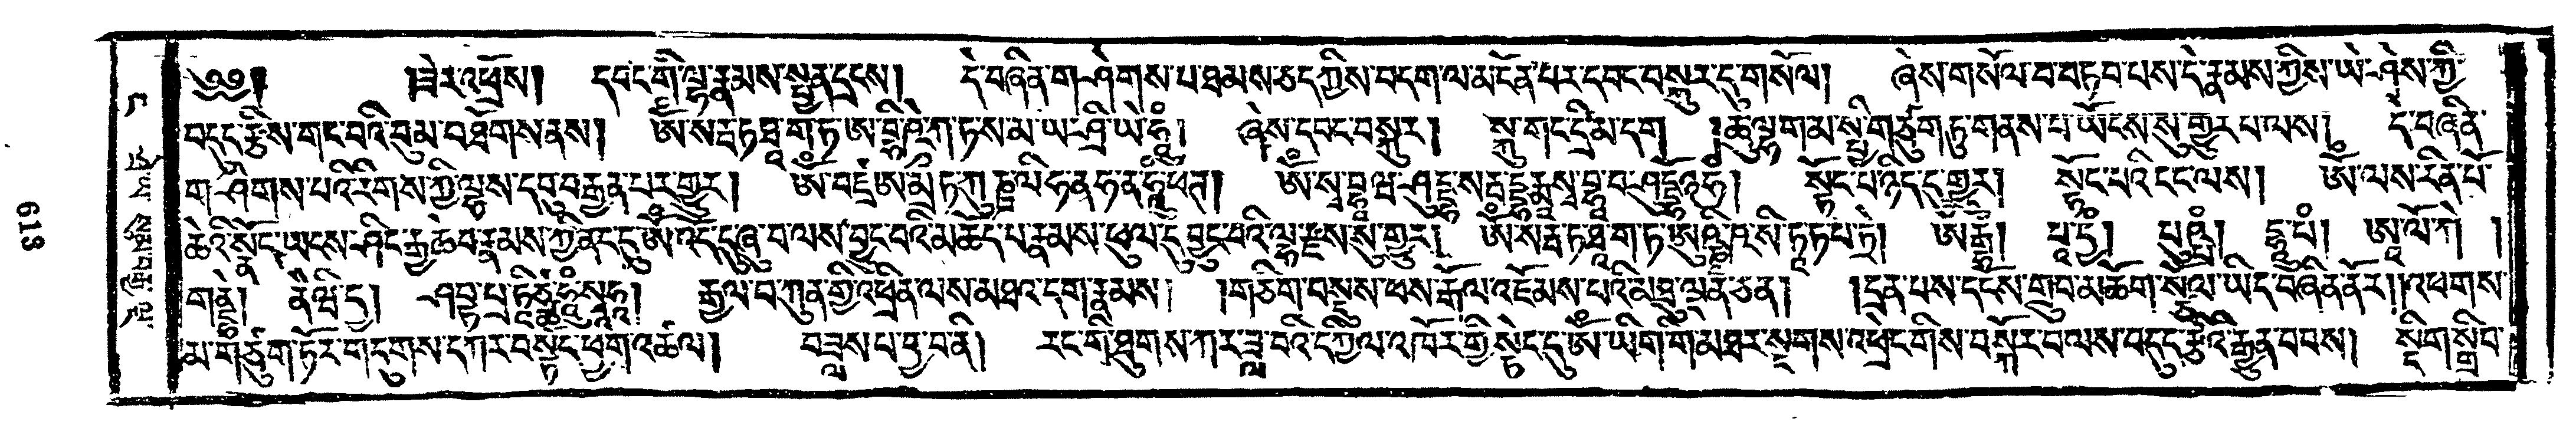༄༅། །ཟེར་འཕྲོས། དབང་གི་ལྷ་རྣམས་སྤྱན་དྲངས། དེ་བཞིན་གཤེགས་པ་ཐམས་ཅད་ཀྱིས་བདག་ལ་མངོན་པར་དབང་བསྐུར་དུ་གསོལ། ཞེས་གསོལ་བ་བཏབ་པས་དེ་རྣམས་ཀྱིས་ཡེ་ཤེས་ཀྱི་
བདུད་རྩིས་གང་བའི་བུམ་པ་ཐོགས་ནས། ཨོཾ་སརྦ་ཏ་ཐཱ་ག་ཏ་ཨ་བྷི་ཥེ་ཀ་ཏ་ས་མ་ཡ་ཤྲི་ཡེ་ཧཱུཾ། ཞེས་དབང་བསྐུར། སྐུ་གང་དྲི་མ་དག །ཆུ་ལྷག་མ་སྤྱི་གཙུག་ཏུ་གནས་པ་ཡོངས་སུ་གྱུར་པ་ལས། དེ་བཞིན་
གཤེགས་པའི་རིགས་ཀྱི་ལྷས་དབུ་བརྒྱན་པར་གྱུར། ཨོཾ་བཛྲ་ཨ་མྲྀ་ཏ་ཀུཎྜ་ལི་ཧ་ན་ཧ་ན་ཧཱུཾ་ཕཊ། ཨོཾ་སྭ་བྷཱ་ཝ་ཤུདྡྷ་སརྦ་དྡྷརྨཱ་སྭ་བྷཱ་བ་ཤུདྡྷོཉྷཾ། སྟོང་པ་ཉིད་དུ་གྱུར། སྟོང་པའི་ངང་ལས། ཨོཾ་ལས་རིན་པོ་
ཆེའི་སྣོད་ཡངས་ཤིང་རྒྱ་ཆེ་བ་རྣམས་ཀྱི་ནང་དུ་ཨོཾ་འོད་དུ་ཞུ་བ་ལས་བྱུང་བའི་མཆོད་པ་རྣམས་ཕུལ་དུ་བྱུང་བའི་ལྷ་རྫས་སུ་གྱུར། ཨོཾ་སརྦ་ཏ་ཐཱ་ག་ཏ་ཨུཥྞཱི་ཥ་སི་ཏཱ་ཏ་པ་ཏྲེ། ཨརྒྷཾ། པཱདྱཾ། པུཥྤཾ། དྷཱུ་པཾ། ཨཱ་ལོ་ཀེ །
གནྡྷེ། ནཻ་ཝི་དྱ། ཤབཏ་པྲ་ཏཱིཙྪ་ཧཱུཾ་སྭཱཧཱ། རྒྱལ་བ་ཀུན་གྱི་འཕྲིན་ལས་མཐའ་དག་རྣམས། །གཅིག་བསྡུས་ཕས་རྒོལ་འཇོམས་པའི་མཐུ་ལྡན་ཅན། །དྲན་པས་དངོས་གྲུབ་མཆོག་སྩོལ་ཡིད་བཞིན་ནོར། །འཕགས་
མ་གཙུག་ཏོར་གདུགས་དཀར་བསྟོད་ཕྱག་འཚལ། བཟླས་པ་བྱ་བ་ནི། རང་གི་ཐུགས་ཀར་ཟླ་བའི་དཀྱིལ་འཁོར་གྱི་སྟེང་དུ་ཨོཾ་ཡིག་གི་མཐར་སྔགས་འཕྲེང་གིས་བསྐོར་བ་ལས་བདུད་རྩིའི་རྒྱུན་བབས། སྡིག་སྒྲིབ་